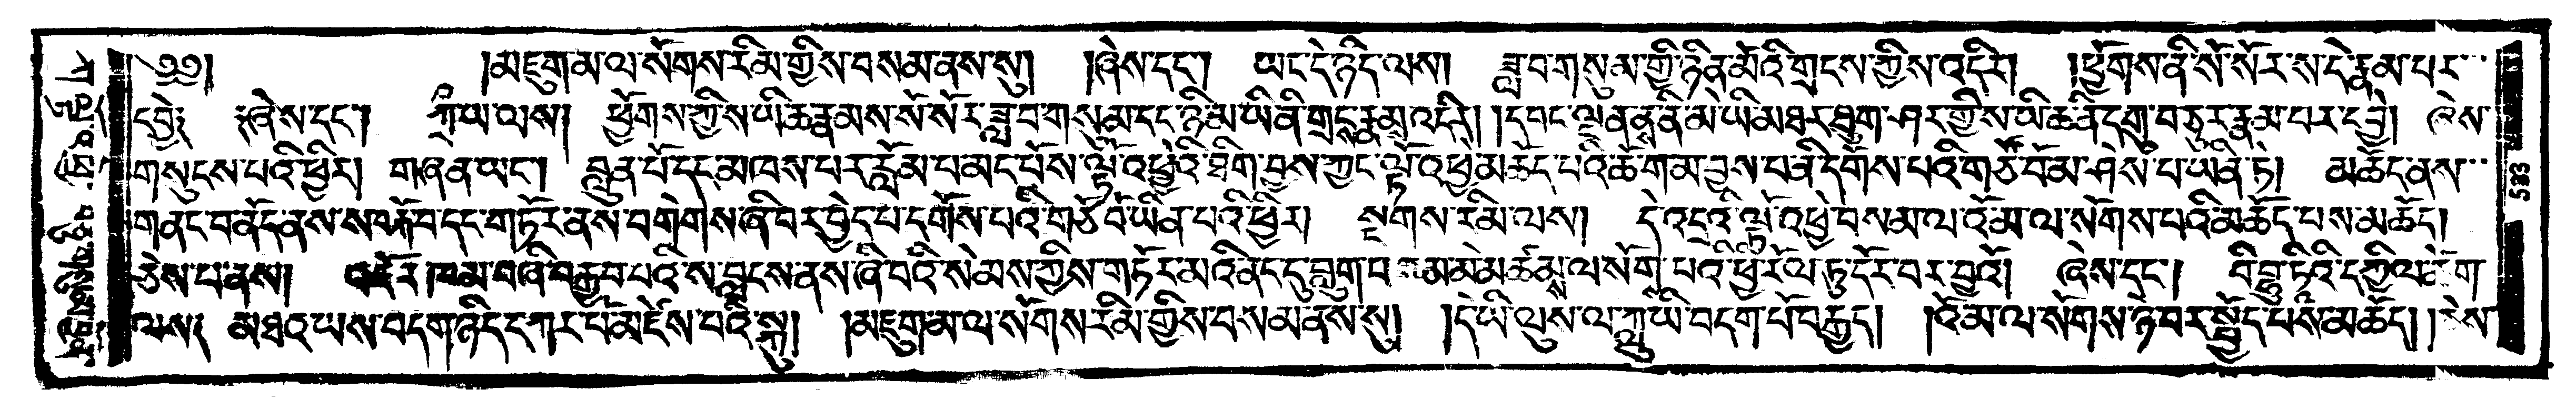༄༅། །མཇུག་མ་ལ་སོགས་རིམ་གྱིས་བསམ་ནས་སུ། །ཞེས་དང་། ཡང་དེ་ཉིད་ལས། ཟླ་བ་གསུམ་གྱི་ཉིན་མོའི་གྲངས་ཀྱིས་འདིར། །ཕྱོགས་ནི་སོ་སོར་ས་དེ་རྣམ་པར་
དབྱེ། །ཞེས་དང་། ཀྲྀ་ཡ་ལས། ཕྱོགས་ཀྱིས་ཡི་ཆ་རྣམ་སོ་སོར་ཟློ་བ་གསུམ་དང་ཉི་མ་ཡི་ནི་གྲངས་འདིར། །དབང་ལྡོན་ན་ནི་མ་ཡི་མཐར་ཐུག་ཤར་གྱིས་ཡི་ཆ་ནི་དགུ་བཅུར་རྣམ་པར་དབྱེ། ཞེས་
གསུངས་པའི་ཕྱིར། གཞན་ཡང་། བླུན་པོ་དང་མཁས་པར་རློམ་པ་མང་བོས་ལྟོ་འཕྱེའི་ཐིག་བྱས་ཀྱང་ལྟོ་འཕྱེ་མཆོད་པའི་ཚོགས་མ་བྱས་པ་ནི་དགོས་བའི་གཙོ་བོ་མ་ཤེས་བ་ཡིན་ཏེ། མཆོད་ནས་
གནང་བ་ནོད་ནས་ས་བརྐོ་བ་དང་གཏོར་ནས་བགེགས་ཞི་བར་བྱེད་པ་དགོས་པའི་གཙོ་བོ་ཡིན་པའི་ཕྱིར། སྔགས་རིམ་ལས། དེ་འདྲའི་ལྟོ་འཕྱེ་བསམ་ལ་འོ་མ་ལ་སོགས་པའི་མཆོད་པས་མཆོད་
ཅེས་པ་ནས། འཇོར་ཁམ་བཞི་བརྒྱབ་པའི་ས་བླངས་ནས་ཞི་བའི་སེམས་ཀྱིས་གཏོར་མའི་ནང་དུ་བླུག་པ་?་མཚམས་ལ་སོགས་པའི་ཕྱི་རོལ་ཏུ་དོར་བར་བའོ། ཞེས་དང་། བི་བྷུ་ཏིའི་དཀྱིལ་?།
ལས། མཐའ་ཡས་བདག་ཉིད་དཀར་པོ་མཛེས་པའི་སྐུ། །མཇུག་མ་ལ་སོགས་རིམ་གྱིས་བསམ་ནས་སུ། །དེ་ཡི་ལུས་ལ་ཀླུ་ཡི་བདག་པོ་བརྒྱད། །འོ་མ་ལ་སོགས་ཉེ་བར་སྦྱོད་པས་མཆོད།། ཅེས་